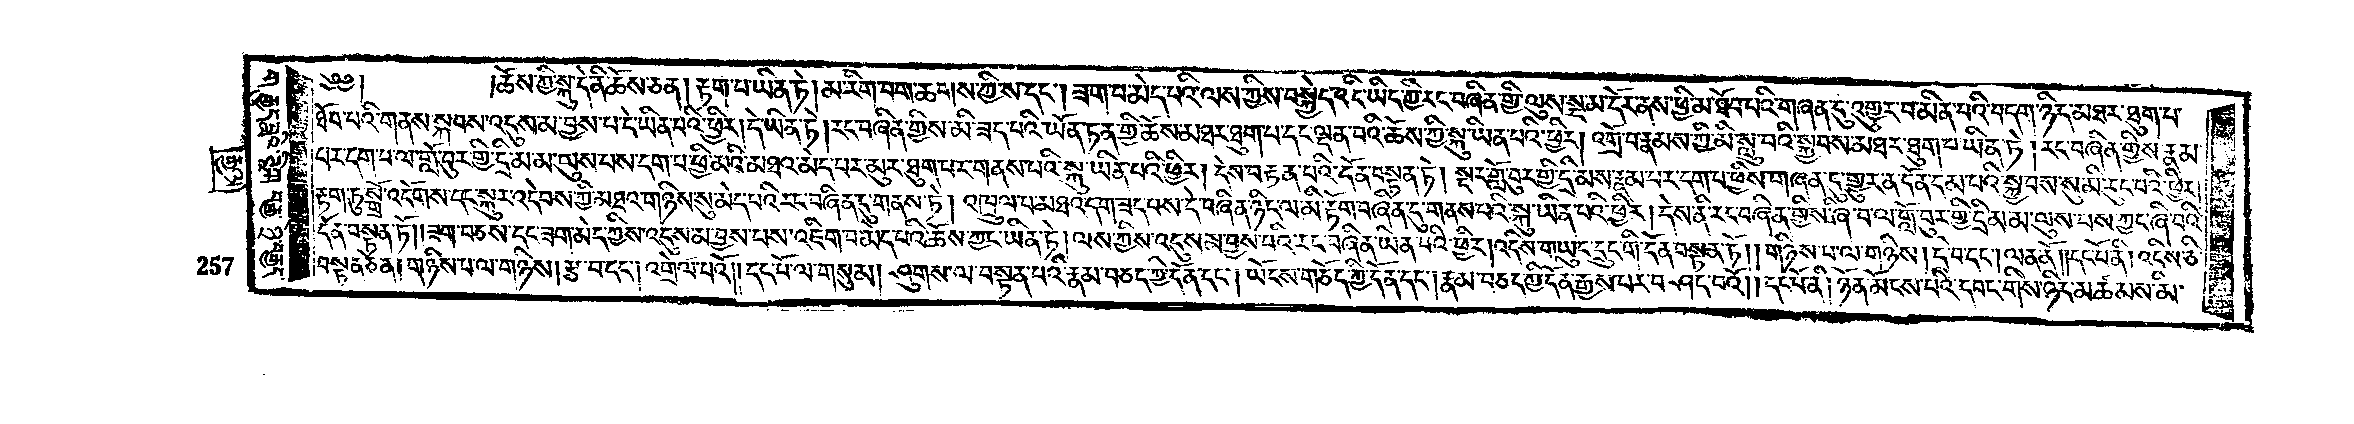༄༅། །ཆོས་ཀྱི་སྐུ་དེ་ནི་ཆོས་ཅན། རྟག་པ་ཡིན་ཏེ། མ་རིག་བག་ཆགས་ཀྱི་ས་དང་། ཟག་པ་མེད་པའི་ལས་ཀྱིས་བསྐྱེད་འདི་ཡིད་ཀྱི་རང་བཞིན་གྱི་ལུས་སྔ་མ་དོར་ནས་ཕྱི་མ་ཐོབ་པའི་གཞན་དུ་འགྱུར་བ་མིན་པའི་བདག་ཉིད་མཐར་ཐུག་པ་
ཐོབ་པའི་གནས་སྐབས་འདུས་མ་བྱས་པ་དེ་ཡིན་པའི་ཕྱིར། དེ་ཡིན་ཏེ། རང་བཞིན་གྱིས་མི་ཟད་པའི་ཡོན་ཏན་གྱི་ཆོས་མཐར་ཐུག་པ་དང་ལྡན་པའི་ཆོས་ཀྱི་སྐུ་ཡིན་པའི་ཕྱིར། འགྲོ་བ་རྣམས་ཀྱི་མི་སླུ་བའི་སྐྱབས་མཐར་ཐུག་པ་ཡིན་ཏེ། རང་བཞིན་གྱིས་རྣམ་
པར་དག་པ་ལ་གློ་བུར་གྱི་དྲི་མ་མ་ལུས་པས་དག་པ་ཕྱི་མའི་མཐའ་མེད་པར་མུར་ཐུག་པར་གནས་པའི་སྐུ་ཡིན་པའི་ཕྱིར། དེས་བརྟན་པའི་དོན་བསྟན་ཏེ། སྔར་གློ་བུར་གྱི་དྲི་མས་རྣམ་པར་དག་པ་ཕྱིས་གཞན་དུ་གྱུར་ན་དོན་དམ་པའི་སྐྱབས་སུ་མི་རུང་བའི་ཕྱིར།
རྟག་ཏུ་སྒྲོ་འདོགས་དང་སྐུར་འདེབས་ཀྱི་མཐའ་གཉིས་སུ་མེད་པའི་རང་བཞིན་དུ་གནས་ཏེ། འཁྲུལ་པ་མཐའ་དག་ཟད་པས་དེ་བཞིན་ཉིད་ལ་མི་རྟོག་བཞིན་དུ་གནས་པའི་སྐུ་ཡིན་པའི་ཕྱིར། དེས་ནི་རང་བཞིན་གྱིས་ཞི་བ་ལ་གློ་བུར་གྱི་དྲི་མ་མ་ལུས་པས་ཀྱང་ཞི་བའི་
དོན་བསྟན་ཏོ། །ཟག་བཅས་དང་ཟག་མེད་ཀྱིས་འདུས་མ་བྱས་པས་འཇིག་པ་མེད་པའི་ཆོས་ཀྱང་ཡིན་ཏེ། ལས་ཀྱིས་འདུས་མ་བྱས་པའི་རང་བཞིན་ཡིན་པའི་ཕྱིར། འདིས་གཡུང་དྲུང་གི་དོན་བསྟན་ཏོ། །གཉིས་པ་ལ་གཉིས། དྲི་བ་དང་། ལན་ནོ། །དང་པོ་ནི། འདིས་ཅི་
བསྟན་ཅེ་ན། གཉིས་པ་ལ་གཉིས། རྩ་བ་དང་། འགྲེལ་པའོ། །དང་པོ་ལ་གསུམ། ཤུགས་ལ་བསྟན་པའི་རྣམ་བཅད་ཀྱི་དོན་དང་། ཡོངས་གཅོད་ཀྱི་དོན་དང་། རྣམ་བཅད་ཀྱི་དོན་རྒྱས་པར་བཤད་པའོ། །དང་པོ་ནི། ཉོན་མོངས་པའི་དབང་གིས་ཉིད་མཚམས་མི་